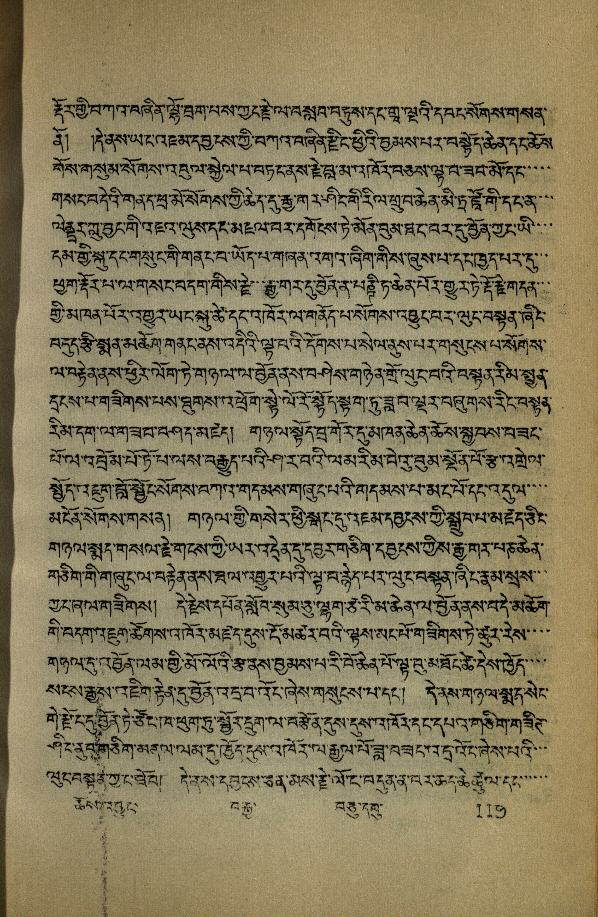རྡོར་གྱི་བཀའ་བཞིན་ལྷོ་བྲག་པས་ཀྱང་རྗེ་ལ་བསླབ་བཏུས་དང་གྲྭ་ལྔའི་དབང་སོགས་གསན་
ནོ། །དེ་ནས་ཡང་འཇམ་དབྱངས་ཀྱི་བཀའ་བཞིན་རྫིང་ཕྱིའི་བྱམས་པར་བསྟོད་ཆེན་དང་ཆོས་
གོས་གསུམ་སོགས་འབུལ་སྐྱེལ་པ་བཏང་ནས་རྗེ་བླ་མ་འཁོར་བཅས་ལྟ་བ་ཟབ་མོ་དང་
གསང་བ་དེའི་གནད་ཕྲ་མོ་སོགས་ཀྱི་ཆེད་དུ་རྒྱ་གར་ཤིང་གི་རིལ་གྲུབ་ཆེན་མི་ཏྲ་ཛྭོ་གི་དང་ན་
ལེནྡྲར་ཀླུ་བྱང་གི་འཇའ་ལུས་དང་མཇལ་བར་དགོངས་ཏེ་མོན་བུམ་ཐང་བར་དུ་བྱོན་ཀྱང་ཡི་
དམ་གྱི་སྐུ་དང་གསུང་གི་གནང་བ་ཡོད་པ་གཞན་འགའ་ཞིག་གིས་ཞུས་པ་དང་ཁྱད་པར་དུ་
ཕྱག་རྡོར་པ་ལ་གསང་བདག་གིས་རྗེ་རྒྱ་གར་དུ་བྱོན་ན་པཎྜི་ཏ་ཆེན་པོར་གྱུར་ཏེ་རྡོ་རྗེ་གདན་
གྱི་མཁན་པོར་འགྱུར་ཡང་སྐུ་ཚེ་དང་འཁོར་ལ་གནོད་པ་སོགས་འབྱུང་བར་ལུང་བསྟན་ཞིང་
བདུད་རྩི་སྨན་མཆོག་གནང་ནས་འདིའི་ལྟ་བའི་དོགས་པ་སེལ་ནུས་པར་གསུངས་པ་སོགས་
ལ་བརྟེན་ནས་ཕྱིར་ལོག་ཏེ་གཉལ་ལ་བྱོན་ནས་བཤེས་གཉེན་གྲོ་ལུང་བའི་བསྟན་རིམ་སྤྱན་
དྲངས་པ་གཟིགས་པས་ཐུགས་འཕྲོག་སྟེ་ལོ་རོ་སྟོད་སྟག་ཏུ་ཟླ་བ་ལྔར་བཞུགས་རིང་བསྟན་
རིམ་དག་ལ་གཟབ་བཤད་མཛད། གཉལ་སྟོད་བྲ་གོར་དུ་མཁན་ཆེན་ཆོས་སྐྱབས་བཟང་
པོ་ལ་འབྲོམ་པོ་ཏོ་པ་ལས་བརྒྱུད་པའི་ཤ་ར་བའི་ལམ་རིམ་བེའུ་བུམ་སྔོན་པོ་རྩ་འགྲེལ་
སྤྱོད་འཇུག་བློ་སྦྱོང་སོགས་བཀའ་གདམས་གཞུང་པའི་གདམས་པ་མང་པོ་དང་འདུལ་
མངོན་སོགས་གསན། གཉལ་གྱི་གསེར་ཕྱི་སྒང་དུ་འཇམ་དབྱངས་ཀྱི་སྒྲུབ་པ་མཛད་ཅིང་
གཉལ་སྨད་གསལ་རྗེ་གངས་ཀྱི་ཡར་འདྲེན་དུ་དབྱར་གཅིག་དབྱངས་ཀྱིས་རྒྱ་གར་པཎ་ཆེན་
གཅིག་གི་གཞུང་ལ་བརྟེན་ནས་ཐལ་འགྱུར་པའི་ལྟ་བ་རྙེད་པར་ལུང་བསྟན་ཞིང་རྣམ་སྲས་
ཀྱང་ཞལ་གཟིགས། དེ་རྗེས་དཔོན་སློབ་སུམ་ཅུ་ལྷག་ཙ་རི་མ་ཆེན་ལ་བྱོན་ནས་བདེ་མཆོག་
གི་བདག་འཇུག་ཚོགས་འཁོར་མཛད་དུས་ངོ་མཚར་བའི་ལྟས་མང་པོ་གཟིགས་ཏེ་ཚུར་རེས་
གཉལ་དུ་འབྱོན་ལམ་གྱི་མོ་ལོའི་རྩ་ནས་བྱམས་པ་རི་བོ་ཆེན་པོ་ལྟ་བུ་མཐོང་ཚེ་དེས་ཁྱོད་
སངས་རྒྱས་འཇིག་རྟེན་དུ་བྱོན་འདྲ་བ་འོང་ཞེས་གསུངས་པ་དང་། དེ་ནས་གཉལ་སྨད་སེང་
གེ་རྫོང་དུ་བྱོན་ཏེ་ཙོང་ཁ་ཕུག་ཏུ་སྦྱོར་དྲུག་ལ་བརྩོན་དུས་དུས་འཁོར་དང་དཔའ་གཅིག་གཟིཌ་
ཤིང་ནུབ་གཅིག་མནལ་ལམ་དུ་ཁྱོད་དུས་འཁོར་ལ་རྒྱལ་པོ་ཟླ་བཟང་འདྲ་འོང་ཞེས་པའི་
ལུང་བསྟན་ཀྱང་ཐོབ། དེ་ནས་དབྱངས་ཅན་མས་རྗེ་ལོ་ང་བདུན་ན་བར་ཆད་ཆེ་ཚུལ་དང་